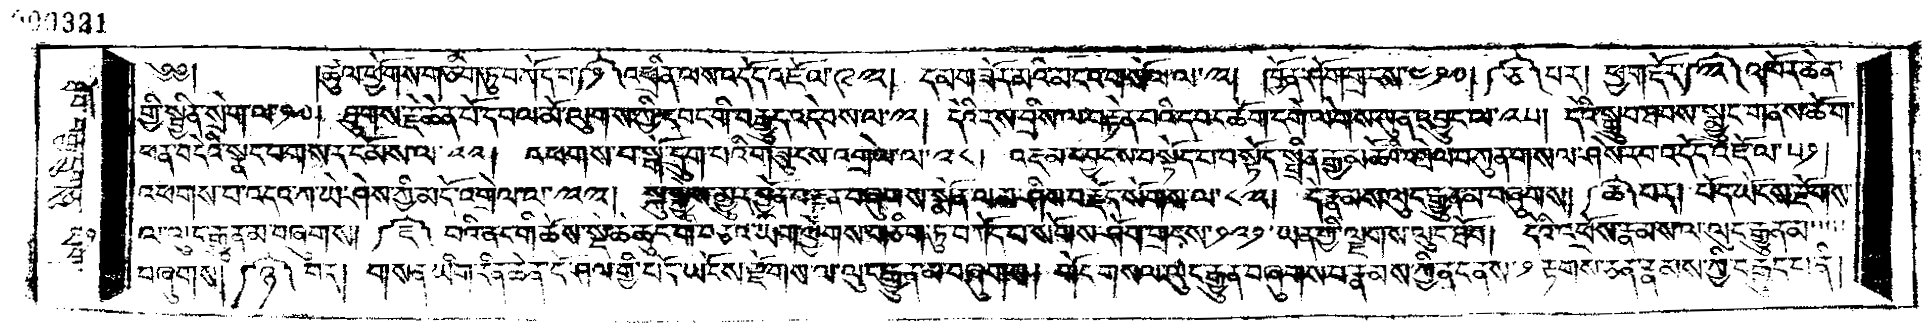༄༅། །ཚུལ་ཕྱོགས་གཅིག་ཏུ་བཀོད་པ ༼༡༽ འཕྲིན་ལས་འདོད་འཇོ་ལ ༩༣། དམ་གཟོར་མའི་མངའ་གསོལ་ལ ༣། ཁྱོན་ཤོག་གྲངས ༤༡༧། ༼ཅ༽ པར། ཕྱག་རྡོར ༼༣༽ འཁོར་ཆེན་
གྱི་སྦྱིན་སྲེག་ལ ༡༧། ཐུགས་རྗེ་ཆེན་པོ་དཔལ་མོ་ལུགས་ཀྱི་དབང་གི་བརྒྱུད་འདེབས་ལ ༣། དེའི་རས་བྲིས་ལ་བརྟེན་པའི་དབང་ཆོག་དགེ་ལེགས་ཀུན་འབྱུང་ལ ༢༥། དེའི་སྒྲུབ་ཐབས་སྨྱུང་གནས་ཆོ་ག་
ཕན་བདེའི་སྣང་བ་གསར་ངོམས་ལ ༢༢། འཕགས་པ་སྒོ་དྲུག་པའི་གཟུངས་འགྲེལ་ལ ༢༨། འཇམ་དབྱངས་བསྟོད་པ་བསྟོད་སྦྲིན་རྒྱ་མཚོའི་འགྲེལ་བ་ཀུན་གསལ་ཤེས་རབ་འདོད་འཇོ་ལ ༥༡།
འཕགས་པ་འདའ་ཀ་ཡེ་ཤེས་ཀྱི་མདོ་འགྲེལ་ལ ༣༣། སྐུ་སྐྱེས་མྱུར་བྱོན་བརྟན་བཞུགས་སྨོན་ལམ་ཤིས་བརྗོད་སོགས་ལ ༨༣། དེ་རྣམས་ལུང་རྒྱུན་མ་བཞུགས། ༼ཆ༽ པར། བོད་ཡོངས་རྫོགས་
ལ་ལུང་རྒྱུན་མ་བཞུགས། ༼ཇ༽ བའི་ནང་གི་ཆོས་སྡེ་ཆེ་ཆུང་གི་བཅའ་ཡིག་ཕྱོགས་གཅིག་ཏུ་བཀོད་པ་སོགས་ཤོག་གྲངས ༡༢༡་ཡན་གྱི་ལྗགས་ལུང་ཐོབ། དེའི་འཕྲོས་རྣམས་ལ་ལུང་རྒྱུན་མ་
བཞུགས། ༼ཉ༽ པར། གསན་ཡིག་རིན་ཆེན་དོ་ཤལ་གྱི་པོད་ཡོངས་རྫོགས་ལ་ལུང་རྒྱུན་མ་བཞུགས། གོང་གསལ་ལུང་རྒྱུན་བཞུགས་པ་རྣམས་ཀྱི་ནང་ནས ༡་རྟགས་ཅན་རྣམས་ཀྱི་བརྒྱུད་པ་ནི།